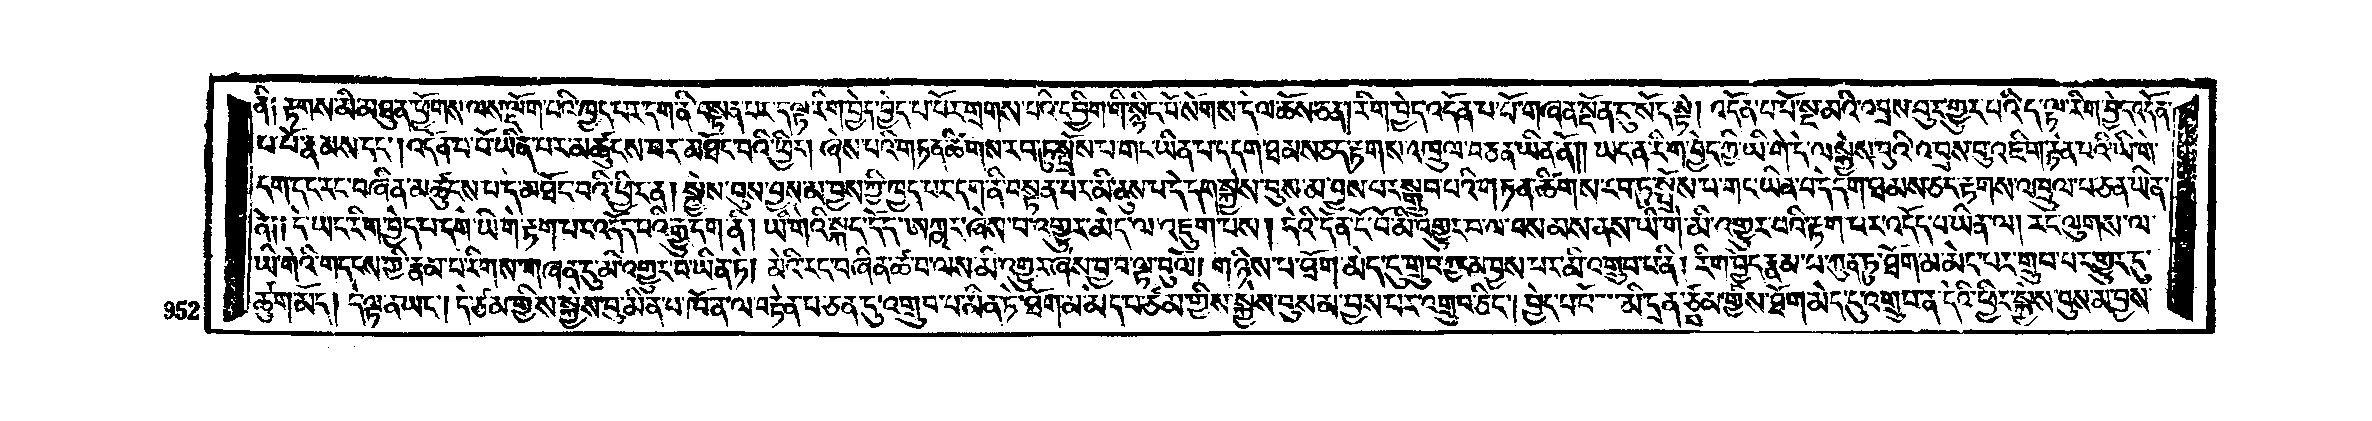ནི། རྟགས་མི་མཐུན་ཕྱོགས་ལས་ལྡོག་པའི་ཁྱད་པར་དག་ནི་བསྟན་པར་ད་ལྟ་རིག་བྱེད་བྱེད་པ་པོར་གྲགས་པའི་དབྱིག་གི་སྙིང་པོ་སོགས་དེ་ལ་ཆོས་ཅན། རིག་བྱེད་འདོན་པ་པོ་གཞན་སྔོན་དུ་སོང་སྟེ། འདོན་པ་པོ་སྔ་མའི་འབྲས་བུར་གྱུར་པའི་ད་ལྟ་རིག་བྱེད་འདོན་
པ་པོ་རྣམས་དང་། འདོན་པ་པོ་ཡིན་པར་མཚུངས་པར་མཐོང་བའི་ཕྱིར། ཞེས་པའི་གཏན་ཚིགས་རབ་ཏུ་སྤྲོས་པ་གང་ཡིན་པ་དེ་དག་ཐམས་ཅད་རྟགས་འཁྲུལ་བ་ཅན་ཡིན་ནོ། །ཡང་ན་རིག་བྱེད་ཀྱི་ཡི་གེ་དེ་ལ་སྐྱེས་བུའི་འབྲས་བུ་འཇིག་རྟེན་པའི་ཡི་གེ་
དག་དང་རང་བཞིན་མཚུངས་པ་དེ་མཐོང་བའི་ཕྱིར་ན། སྐྱེས་བུས་བྱས་མ་བྱས་ཀྱི་ཁྱད་པར་དག་ནི་བསྟན་པར་མི་ནུས་པ་དེ་དག་སྐྱེས་བུས་མ་བྱས་པར་སྒྲུབ་པའི་གཏན་ཚིགས་རབ་ཏུ་སྤྲོས་པ་གང་ཡིན་པ་དེ་དག་ཐམས་ཅད་རྟགས་འཁྲུལ་པ་ཅན་ཡིན་
ནེ། །དེ་ཡང་རིག་བྱེད་པ་དགེ་ཡི་གེ་རྟག་པར་འདོད་པའི་རྒྱུ་དག་ནི། ཡི་གེའི་སྐད་དོད་ཨཀྵར་ཞེས་པ་འགྱུར་མེད་ལ་འཇུག་པས། དེའི་དོན་ངོ་བོ་མི་འགྱུར་བ་ལ་བསམས་ནས་ཡི་གེ་མི་འགྱུར་པའི་རྟག་པར་འདོད་པ་ཡིན་ལ། རང་ལུགས་ལ་
ཡི་གེའི་གདངས་ཀྱི་རྣམ་པ་རིགས་གཞན་དུ་མི་འགྱུར་བ་ཡིན་ཏེ། མེའི་རང་བཞིན་ཚ་བ་ལས་མི་འགྱུར་ཞེས་བྱ་བ་ལྟ་བུའོ། གཉིས་པ་ཐོག་མེད་དུ་གྲུབ་ཀྱང་མ་བྱས་པར་མི་འགྲུབ་པ་ནི། རིག་བྱེད་རྣམ་པ་ཀུན་ཏུ་ཐོག་མ་མེད་པར་གྲུབ་པར་གྱུར་དུ་
ཚུག་མོད། དེ་ལྟ་ན་ཡང་། དེ་ཙམ་གྱིས་སྐྱེས་བུ་མིན་པ་ཁོ་ན་ལ་བརྟེན་པ་ཅན་དུ་འགྲུབ་པ་མིན་ཏེ་ཐོག་མ་མེད་པ་ཙམ་གྱིས་སྐྱེས་བུས་མ་བྱས་པར་འགྲུབ་ཅིང་། བྱེད་པ་པོ་མི་དྲན་པ་ཙམ་གྱིས་ཐོག་མེད་དུ་འགྲུབ་ན་དེའི་ཕྱིར་སྐྱེས་བུས་མ་བྱས་